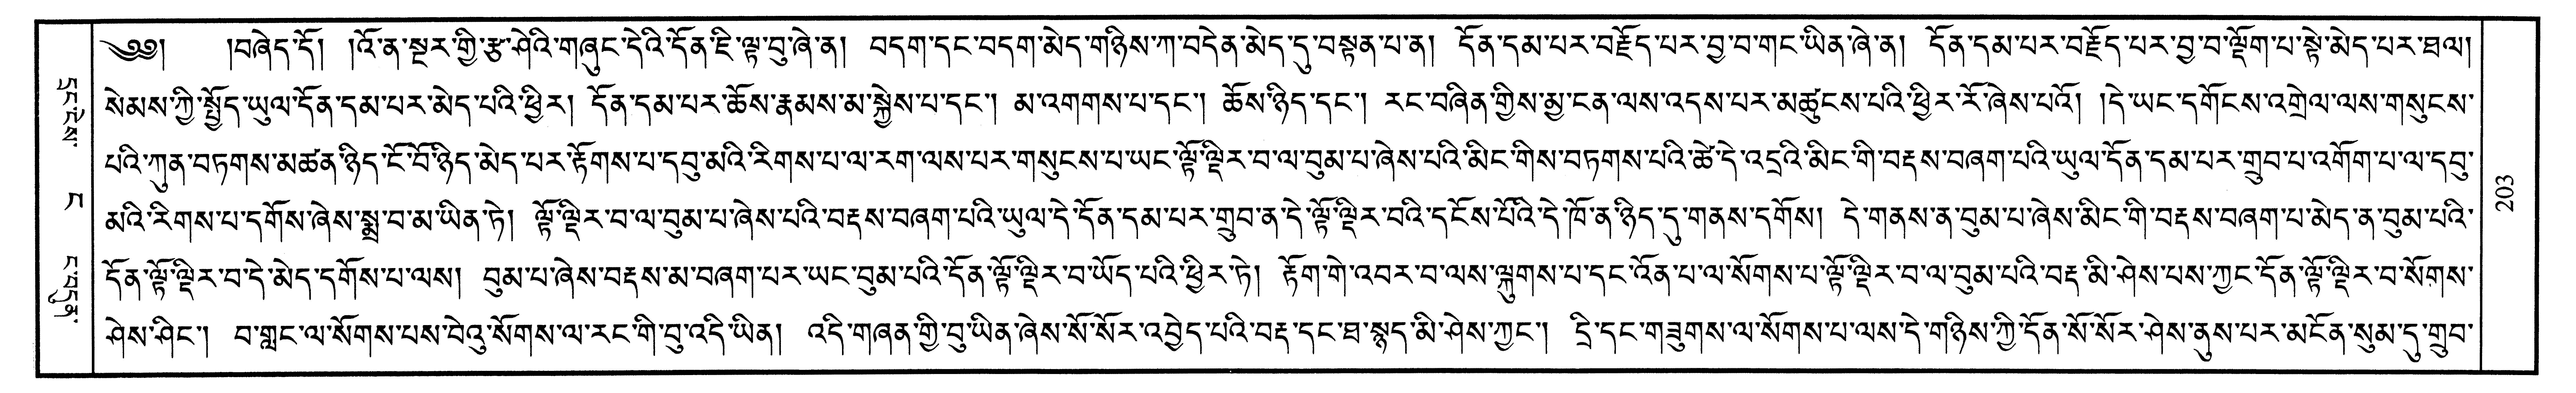༄༅། །བཞེད་དོ། །འོ་ན་སྔར་གྱི་རྩ་ཤེའི་གཞུང་དེའི་དོན་ཇི་ལྟ་བུ་ཞེ་ན། བདག་དང་བདག་མེད་གཉིས་ཀ་བདེན་མེད་དུ་བསྟན་པ་ན། དོན་དམ་པར་བརྗོད་པར་བྱ་བ་གང་ཡིན་ཞེ་ན། དོན་དམ་པར་བརྗོད་པར་བྱ་བ་ལྡོག་པ་སྟེ་མེད་པར་ཐལ།
སེམས་ཀྱི་སྤྱོད་ཡུལ་དོན་དམ་པར་མེད་པའི་ཕྱིར། དོན་དམ་པར་ཆོས་རྣམས་མ་སྐྱེས་པ་དང་། མ་འགགས་པ་དང་། ཆོས་ཉིད་དང་། རང་བཞིན་གྱིས་མྱ་ངན་ལས་འདས་པར་མཚུངས་པའི་ཕྱིར་རོ་ཞེས་པའོ། །དེ་ཡང་དགོངས་འགྲེལ་ལས་གསུངས་
པའི་ཀུན་བཏགས་མཚན་ཉིད་ངོ་བོ་ཉིད་མེད་པར་རྟོགས་པ་དབུ་མའི་རིགས་པ་ལ་རག་ལས་པར་གསུངས་པ་ཡང་ལྟོ་ལྡིར་བ་ལ་བུམ་པ་ཞེས་པའི་མིང་གིས་བཏགས་པའི་ཚེ་དེ་འདྲའི་མིང་གི་བརྡས་བཞག་པའི་ཡུལ་དོན་དམ་པར་གྲུབ་པ་འགོག་པ་ལ་དབུ་
མའི་རིགས་པ་དགོས་ཞེས་སྨྲ་བ་མ་ཡིན་ཏེ། ལྟོ་ལྡིར་བ་ལ་བུམ་པ་ཞེས་པའི་བརྡས་བཞག་པའི་ཡུལ་དེ་དོན་དམ་པར་གྲུབ་ན་དེ་ལྟོ་ལྡིར་བའི་དངོས་པོའི་དེ་ཁོ་ན་ཉིད་དུ་གནས་དགོས། དེ་གནས་ན་བུམ་པ་ཞེས་མིང་གི་བརྡས་བཞག་པ་མེད་ན་བུམ་པའི་
དོན་ལྟོ་ལྡིར་བ་དེ་མེད་དགོས་པ་ལས། བུམ་པ་ཞེས་བརྡས་མ་བཞག་པར་ཡང་བུམ་པའི་དོན་ལྟོ་ལྡིར་བ་ཡོད་པའི་ཕྱིར་ཏེ། རྟོག་གེ་འབར་བ་ལས་ལྐུགས་པ་དང་འོན་པ་ལ་སོགས་པ་ལྟོ་ལྡིར་བ་ལ་བུམ་པའི་བརྡ་མི་ཤེས་པས་ཀྱང་དོན་ལྟོ་ལྡིར་བ་སོགས་
ཤེས་ཤིང་། བ་གླང་ལ་སོགས་པས་བེའུ་སོགས་ལ་རང་གི་བུ་འདི་ཡིན། འདི་གཞན་གྱི་བུ་ཡིན་ཞེས་སོ་སོར་འབྱེད་པའི་བརྡ་དང་ཐ་སྙད་མི་ཤེས་ཀྱང་། དྲི་དང་གཟུགས་ལ་སོགས་པ་ལས་དེ་གཉིས་ཀྱི་དོན་སོ་སོར་ཤེས་ནུས་པར་མངོན་སུམ་དུ་གྲུབ་